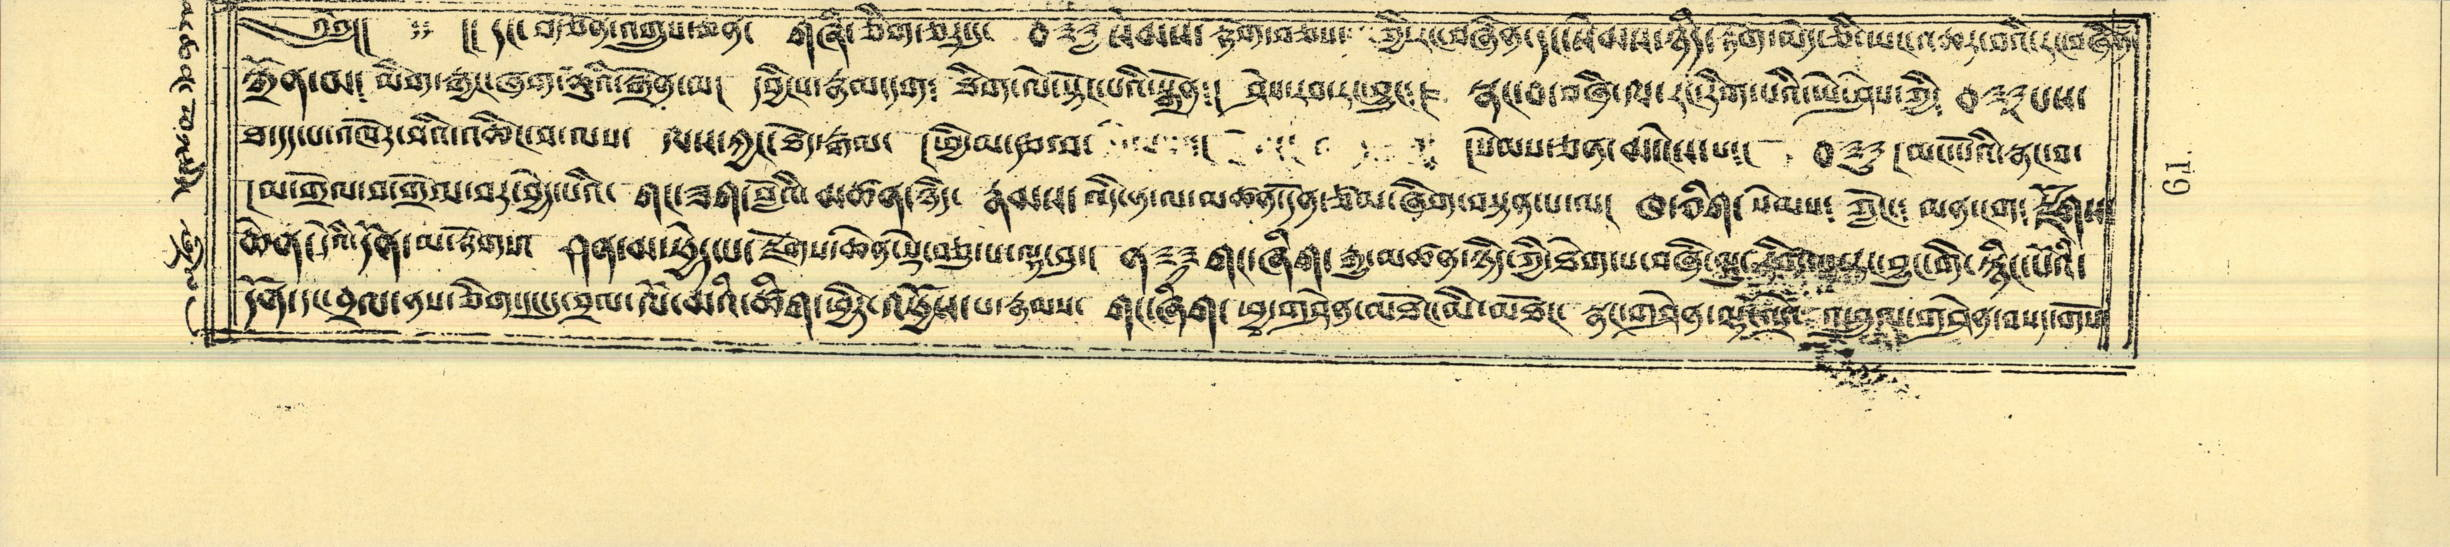༼དང༽བརྩོན་འགྲུས་ཅན་༼གཞི༽ཅིག་ཅར་དུ་བ༣༢།༤ ༼སེམས༽རྟོག་བཅས་ཀྱི་རང་བཞིན་༼དང་སེམས་ཉིད༽རྟོག་མེད་ཅི་ཡང་འཆར་བའི་རང་བཞིན་
༼སྒྲོན་མ༽མིག་རྒྱང་ཞགས་ཆུའི་སྒྲོན་མ། དབྱིངས་རྣམ་དག་གི་སྒྲོན་མ། ཐིག་ལེ་སྟོང་པའི་སྒྲོན་མ། ཤེས་རབ་རང་འབྱུང་གི་སྒྲོན་མ།༼སྣང་བ༽བཞི་༼ལ༽རང་རིག་པའི་ཡེ་ཤེས་ཀྱི་བ༣༢།༥༼པས༽
ཐ་དད་པ་འཁོར་བའི་འཆིང་བ་ལས་༼ལས་ཀྱང་༽ཐོིད་རྒལ་ཕྱི་མ་རྩ་བ་སེམས་ཅན་༼མ་ངེས་པ༽ བ༣༢།༦མང་པོའི་སྣང་བ། 
མ་གྲོལ་བ་གྲོལ་བར་བྱེད་པའི་༼གང་ཟག༽བློའི་༼མཚན༽ཉིད་༼རྣམས༽འདི་ན་ལ་མཚན་དོན་ཙམ་ཞིག་བསྟན་པ་ལ།༼ཁ་ཅིག༽སེམས་ཀློང་མན་ངག་༼རྫོགས་
ཆེན༽དེའི་༼དོན༽མ་རྟོགས་༼ཤན་མ་ཕྱེད་པ༽རྫོགས་ཆེན་སྡེ་བཅུ་པ་ལྟ་བུ་ན༣༣།༡༼གང་ཞིག༽རྒྱུ་མཚན་ཉིད་ཀྱི་ཐེག་པ་བཞི་ལྟ་བུ་རིག་པ་རང་བྱུང་གི་༼སྙིང་པོའི་
དོན༽དང་༼བྲལ༽ནས་གཅིག་དང་དུ་བྲལ་༼ལོ་མའི་ཚིག༽ཕྱིར་༼འཕྱོས༽པ་རྣམས་༼གང་ཞིག༽ཕྱྭ་གཤེན་མཐོང་མི་མཐོང་སྣང་གཤེན་ལྷ་འདྲེ་འཕྲུལ་གཤེན་གསད་གསོ་